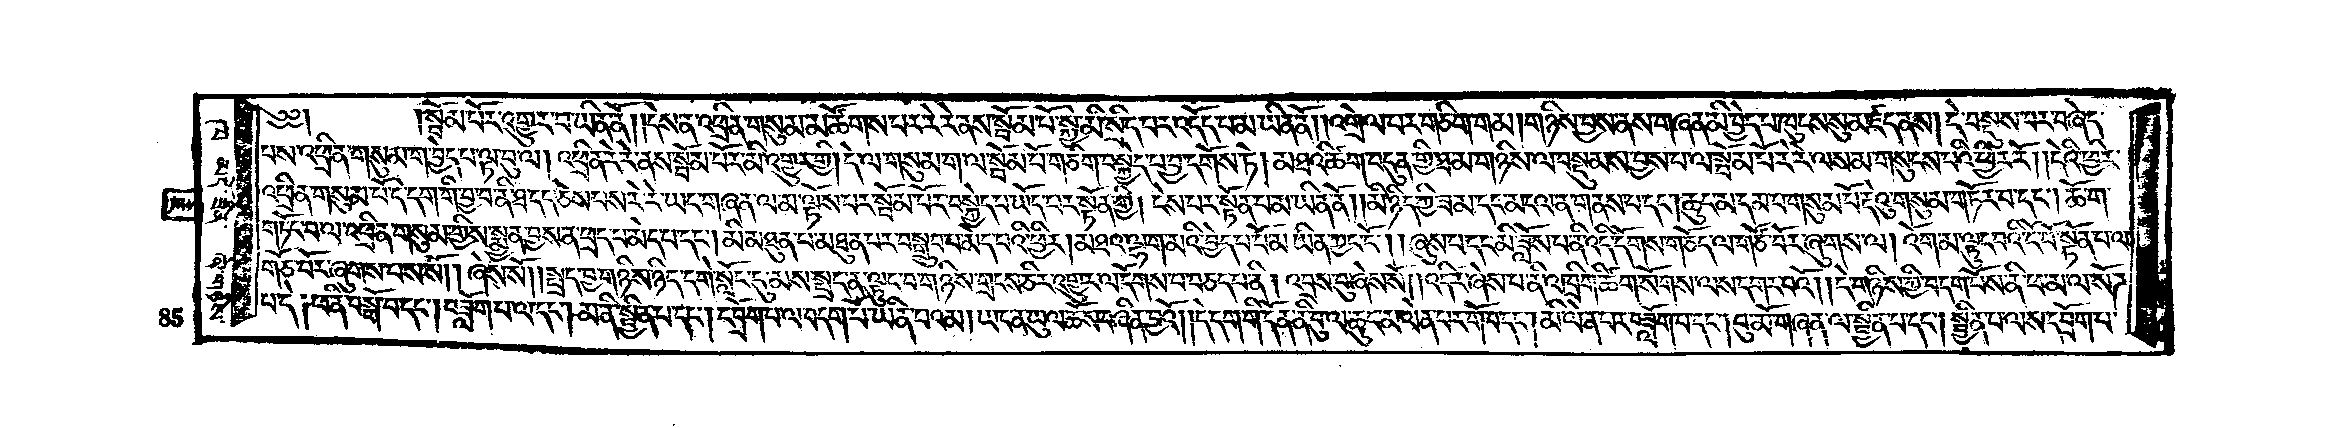༄༅། །སྦོམ་པོར་འགྱུར་བ་ཡིན་ནོ། །དེས་ན་འཕྲིན་གསུམ་མ་ཚོགས་པར་རེ་རེ་ནས་སྦོམ་པོ་སྐྱེ་མི་སྲིད་པར་འདོད་པ་མ་ཡིན་ནོ། །འགྲེལ་པར་གཅིག་གམ། གཉིས་བྱས་ནས་གཞན་མི་བྱེད་པ་ཁུངས་སུ་མཛད་ནས། དེ་བསྡུས་པར་བཞེད་
པས་འཕྲིན་གསུམ་ག་བྱེད་པ་ལྟ་བུ་ལ། འཕྲིན་རེ་རེ་ནས་སྦོམ་པོར་མི་འགྱུར་གྱི། དེ་ལ་གསུམ་ག་ལ་སྦོམ་པོ་གཅིག་བསྐྱེད་པ་བྱ་དགོས་ཏེ། མཐའ་ཚིག་བདུན་གྱི་ཐ་མ་གཉིས་ལ་བསྡུམས་བྱས་པ་ལ་སྦོམ་པོ་རེ་རེ་ལས་མ་གསུངས་པའི་ཕྱིར་རོ། །དེའི་ཕྱིར་
འཕྲིན་གསུམ་པོ་དེ་དག་གི་བྱ་བ་ནི་ཐ་དད་ཅེས་པས་རེ་རེ་ཡང་གཞན་ལ་མ་ལྟོས་པར་སྦོམ་པོར་བསྐྱེད་པ་ཡོད་པར་སྟོན་གྱི། ངེས་པར་སྟོན་པ་མ་ཡིན་ནོ། །མི་ཉིད་ཀྱི་ཟ་མ་དང་མངལ་ན་གནས་པ་དང་། ཆུང་མ་དམ་པ་གསུམ་པོ་རྡེའུ་གསུམ་གཏོར་བ་དང་། ཆོ་ག་
གཏོང་བ་ལ་འཕྲིན་གསུམ་གྱིས་སྨྱན་བྱས་ན་ཕྲད་པ་མེད་པ་དང་། མི་མཐུན་པ་མཐུན་པར་བསྒྲུབ་པ་མེད་པའི་ཕྱིར། མཐའ་ལྷག་མའི་བྱེད་པ་པོ་མ་ཡིན་ཀྱང་ངོ། །ཞུས་པ་དང་མི་ཟློས་པ་ནི་འདི་དོགས་གཅོད་ལ་གཙོ་བོར་ཞུགས་ལ། འོག་མ་ལྟུང་བའི་ངོ་བོ་སྟོན་པ་ལ་
གཙོ་བོར་ཞུགས་པས་སོ། །ཞེས་སོ། །སྤྲད་བྱ་གཉིས་ཉིད་དགེ་སློང་དུ་མས་སྤྲད་ན་ལྟུང་བ་གཉིས་གྲངས་ཅིར་འགྱུར་ལ་དོགས་པ་བཅད་པ་ནི། འབྲས་བུ་ཞེས་སོ། །འདིར་ཞེས་པ་ནི་འཁྲིག་ཚིག་སོགས་ལས་དགར་བའོ། །དེ་གཉིས་ཀྱི་བདག་པོས་ནི་ཕ་མ་ལ་སོཌ་
པ་དེ། ཕ་ནི་བསྒོ་བ་དང་། བཟློག་པ་ལ་དང་། མ་ནི་སྦྱིན་པ་དང་། དབྲོག་པ་ལ་བདག་པོ་ཡིན་པའམ། ཡང་ན་ཡུལ་ཆོས་བཞིན་བྱའོ། །དེ་དག་གི་དོན་ནི་བུ་ལ་ཆུང་མ་ལེན་པར་གོ་བ་དང་། མི་ལེན་པར་བཟློག་པ་དང་། བུ་མོ་གཞན་ལ་སྦྱིན་པ་དང་། སྦྱིན་པ་ལས་དབྲོག་པ་